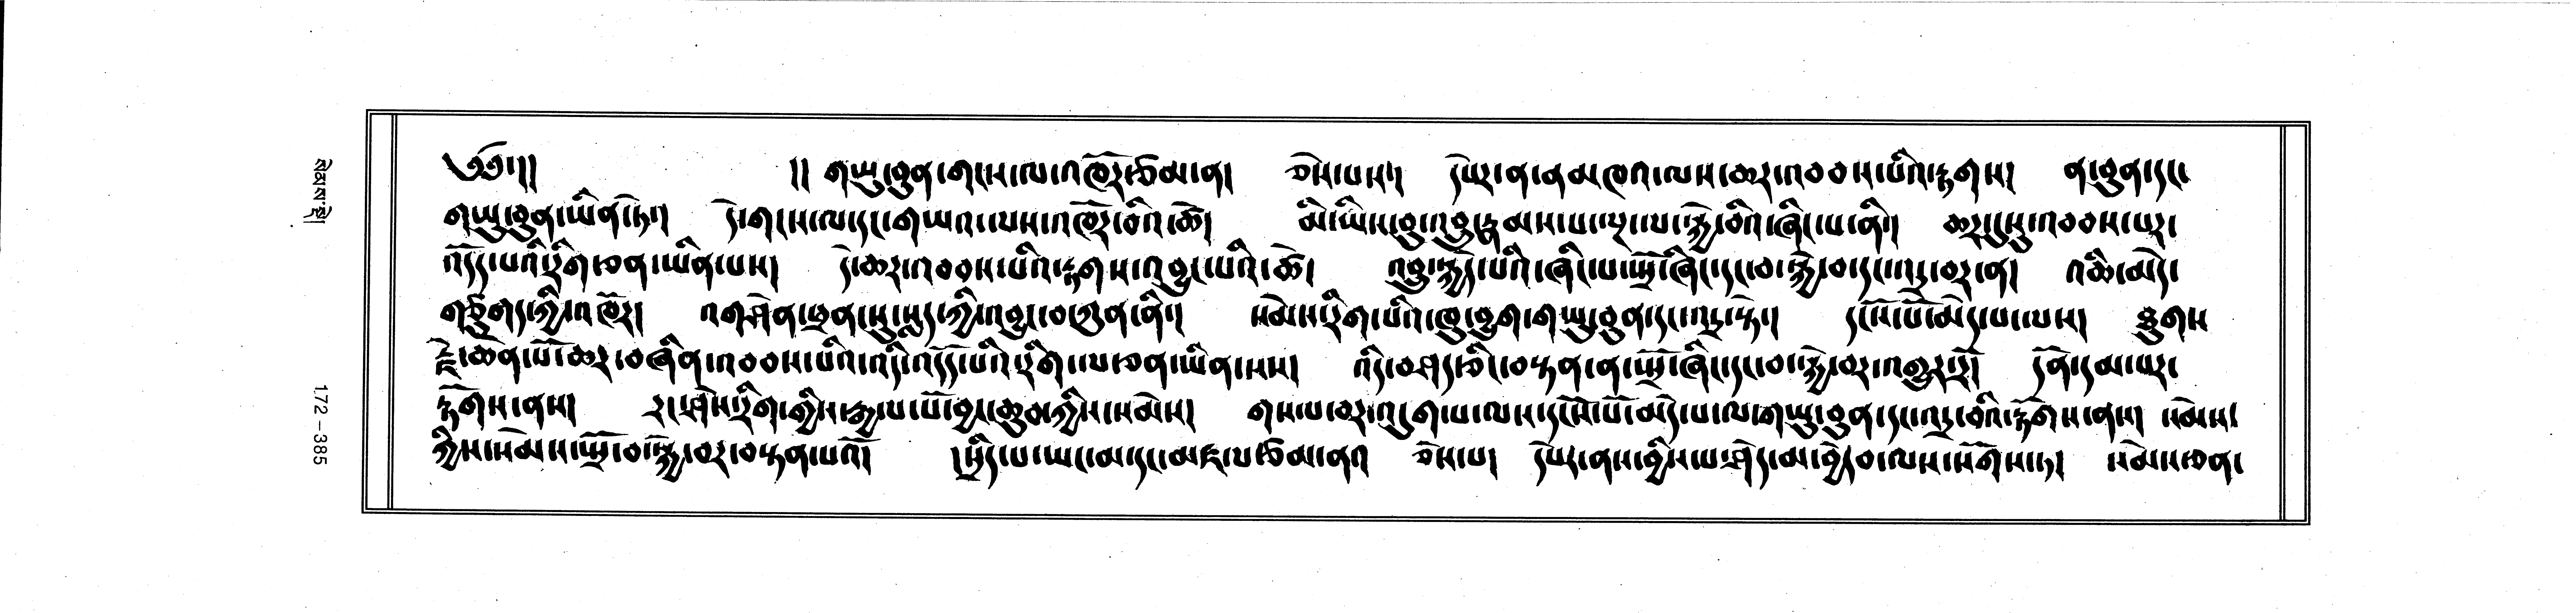གཡུ་བུན་གངས་ལ་འཁོར་ཙམ་ན། ཅེས་པས། དཔེར་ན་ནམ་མཁའ་ལས་ཆར་འབབས་པའི་རྟགས། ན་བུན་དང་
གཡུ་བུན་ཡིན་ཏེ། དེ་གངས་ལ་དང་གཡའ་ལས་འཁོར་བའི་ཚེ་མི་ཡིས་བུ་འབྲུ་རྣམ་པ་ལྔ་ལ་སྐྱེ་བའི་ཞིང་པ་ནི། ཆར་དུས་སུ་འབབས་པར་
འདོད་པའི་རིགས་ཅན་ཡིན་པས། དེ་ཆར་འབབས་པའི་རྟགས་འབྱུང་པའི་ཚེ། འབྲུ་སྐྱེད་པའི་ཞིང་པ་སྤྲོ་ཞིང་དྭངས་བ་སྐྱེ་བ་དང་འདྲ་བར་ན། འཆི་མེད་
གཙུག་ཕུད་ཀྱིས་འཁོར། གཤེན་ཕྲན་སུ་སླད་ཀྱི་འབྱུང་བ་ཀུན་ནི། སེམས་རིག་པའི་ཁུ་བྱུག་གཡུ་བུན་དང་འདྲ་སྟེ། དངོས་པོ་མེད་པ་ལས། ཐུགས་
རྗེ་ཆེན་པོ་ཆར་བཞིན་འབབས་པའི་འདི་འདོད་པའི་རིག་ལ་ཅན་ཡིན་པས། འདི་བཤད་ཅིང་བསྟན་ན་སྤྲོ་ཞིང་དྭངས་བ་སྐྱེ་བར་འགྱུར་རོ། དོན་དམ་པར་
རྟོགས་ནས། རང་ཤེས་རིག་གྱིས་རྒྱལ་པོ་བྱང་ཆུབ་ཀྱིས་སེམས། གསལ་བར་འདུག་པ་ལས་དངོས་པོ་མེད་པ་ལ་གཡུ་བུན་དང་འདྲ་བའི་རྟོགས་ནས། སེམས་
ཀྱིས་སེམས་སྤྲོ་བ་སྐྱེ་བར་བསྟན་པའོ། སྲིད་པ་ཡང་མ་དང་འཇལ་ཙམ་ན། ཅེས་པ། དཔེར་ནས་བྱིས་པ་ཤེད་མ་བྱེད་པ་ལས་སོགས་ཏེ། སེམས་ཅན་